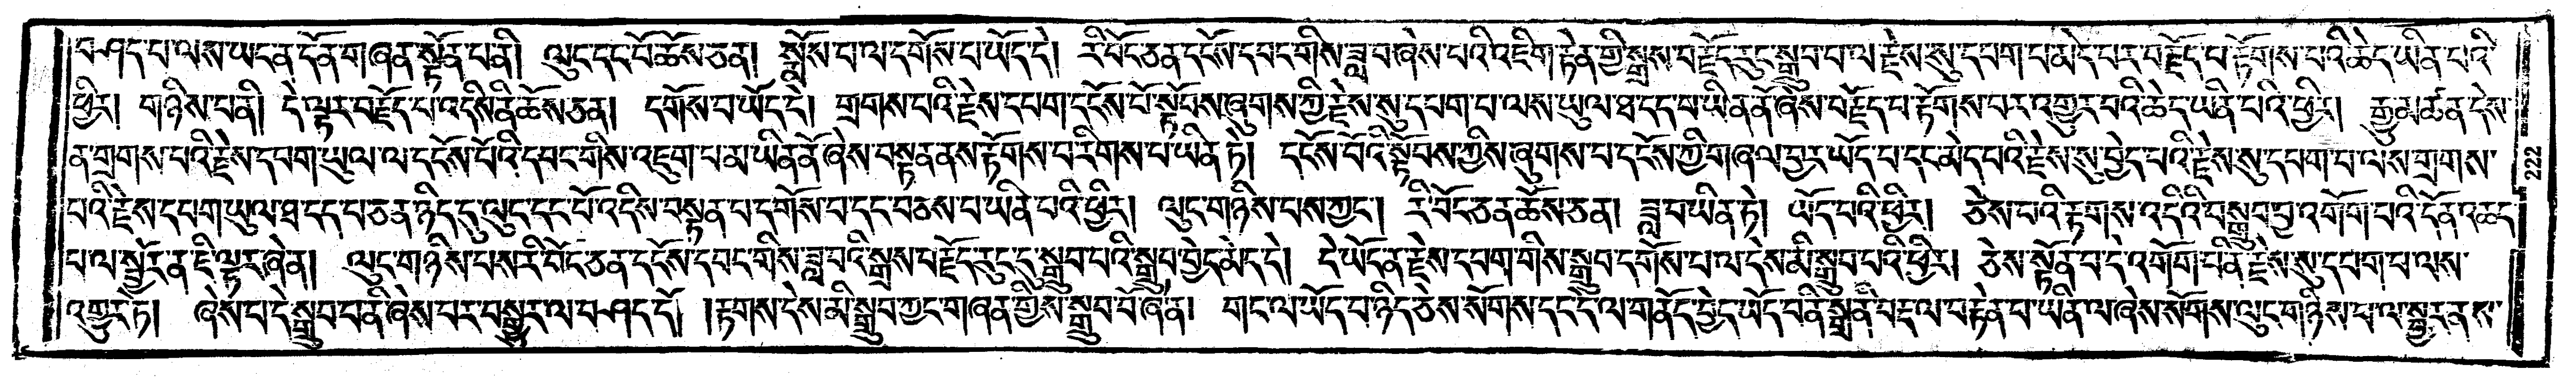བཤད་པ་ལས་ཡང་ན་དོན་གཞན་སྟོན་པ་ནི། ལུང་དང་པོ་ཆོས་ཅན། སྨོས་པ་ལ་དགོས་པ་ཡོད་དེ། རི་བོང་ཅན་དངོས་དབང་གིས་ཟླ་བ་ཞེས་པའི་འཇིག་རྟེན་གྱི་སྒྲས་བརྗོད་རུང་སྒྲུབ་པ་ལ་རྗེས་སུ་དཔག་པ་མེད་པར་བརྗོད་པ་རྟོགས་པའི་ཆེད་ཡིན་པའི་
ཕྱིར། གཉིས་པ་ནི། དེ་ལྟར་བརྗོད་པ་འདིས་ནི་ཆོས་ཅན། དགོས་པ་ཡོད་དེ། གྲགས་པའི་རྗེས་དཔག་དངོས་པོ་སྟོབས་ཞུགས་ཀྱི་རྗེས་སུ་དཔག་པ་ལས་ཡུལ་ཐ་དད་པ་ཡིན་ནོ་ཞེས་བརྗོད་པ་རྟོགས་པར་འགྱུར་བའི་ཆེད་ཡིན་པའི་ཕྱིར། རྒྱུ་མཚན་དེས་
ན་གྲགས་པའི་རྗེས་དཔག་ཡུལ་ལ་དངོས་པོའི་དབང་གིས་འཇུག་པ་མ་ཡིན་ནོ་ཞེས་བསྟན་ནས་རྟོགས་པ་རིགས་པ་ཡིན་ཏེ། དངོས་པོའི་སྟོབས་ཀྱིས་ཞུགས་པ་དངོས་ཀྱི་གཞལ་བྱར་ཡོད་པ་དང་མེད་པའི་རྗེས་སུ་བྱེད་པའི་རྗེས་སུ་དཔག་པ་ལས་གྲགས་
པའི་རྗེས་དཔག་ཡུལ་ཐ་དད་པ་ཅན་ཉིད་དུ་ལུང་དང་པོ་འདིས་བསྟན་པ་དགོས་པ་དང་བཅས་པ་ཡིན་པའི་ཕྱིར། ལུང་གཉིས་པས་ཀྱང་། རི་བོང་ཅན་ཆོས་ཅན། ཟླ་བ་ཡིན་ཏེ། ཡོད་པའི་ཕྱིར། ཅེས་པའི་རྟགས་འདིའི་བསྒྲུབ་བྱ་འགོག་པའི་དོན་འཆད་
པ་ལ་སྦྱོར་ན་ཇི་ལྟར་ཞེ་ན། ལུང་གཉིས་པས་རི་བོང་ཅན་དངོས་དབང་གིས་ཟླ་བའི་སྒྲས་བརྗོད་རུང་དུ་སྒྲུབ་པའི་སྒྲུབ་བྱེད་མེད་དེ། དེ་ཡོད་ན་རྗེས་དཔག་གིས་སྒྲུབ་དགོས་པ་ལ་དེས་མི་སྒྲུབ་པའི་ཕྱིར། ཅེས་སྟོན་པ་དེ་འགོག་པ་ནི་རྗེས་སུ་དཔག་པ་ལས་
འགྱུར་ཏེ། ཞེས་པ་དེ་སྒྲུབ་པ་ནི་ཞེས་པར་བསྒྱུར་ལ་བཤད་དོ། །རྟགས་དེས་མི་སྒྲུབ་ཀྱང་གཞན་གྱིས་སྒྲུབ་པོ་ཞེ་ན། གང་ལ་ཡོད་པ་ཉིད་ཅེས་སོགས་དང་དེ་ལ་གནོད་བྱེད་ཡོད་པ་ནི་སྒྲ་ནི་བརྡ་ལ་བརྟེན་པ་ཡིན་ལ་ཞེས་སོགས་ལུང་གཉིས་པ་ལ་སྦྱར་ནས་